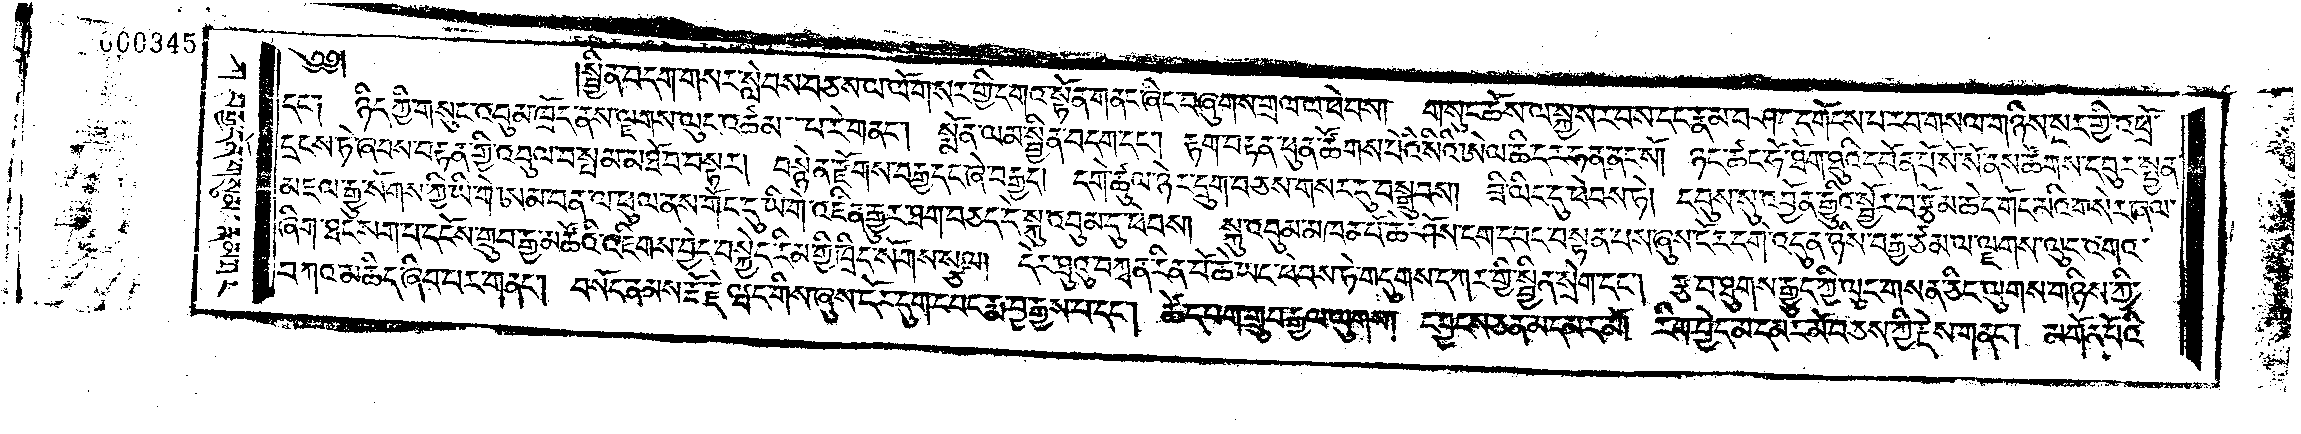༄༅། །སྦྱིན་བདག་གསར་སླེབས་བཅས་ལ་ལོ་གསར་གྱི་དགའ་སྟོན་གནང་ཞིང་བཞུགས་གྲལ་ལ་ཕེབས། གསུང་ཆོས་ལ་སྐྱས་རབས་དང་རྣམ་བཤད་དགོངས་པ་རབ་གསལ་གཉིས་སྔར་གྱི་འཕྲོ་
དང༑ ཉིད་ཀྱི་གསུང་འབུམ་ཁྲོད་ནས་ལྗགས་ལུང་འཚམ་པ་རེ་གནང་། སྨོན་ལམ་སྦྱིན་བདག་དང་། རྟག་བརྟན་ཕུན་ཚོགས་པེའི་སིའི་ཨེལ་ཆི་དར་ཧན་ནང་སོ། ཉང་ཚང་ཧོ་ཐོག་ཐུའི་དབོན་པོ་སོ་སོ་ནས་ཚོགས་དབུར་སྤྱན་
དྲངས་ཏེ་ཞབས་བརྟན་གྱི་འབུལ་བ་སྤམ་མཐོ་བ་བསྟར། བསྙེན་རྫོགས་བརྒྱ་དང་ཞེ་བརྒྱད། དགེ་ཚུལ་ཉེར་དྲུག་བཅས་གསར་དུ་བསྒྲུབས། ཟི་ལིང་དུ་ཕེབས་ཏེ། དབུས་སུ་འབྱོན་རྒྱུའི་སྦྱོར་བ་རྩོམ་ཆེད་གོང་མའི་གསེར་ཞལ་
མཇལ་རྒྱུ་སོགས་ཀྱི་ཡི་གེ་ཨམ་བན་ལ་ཕུལ་ནས་གོང་དུ་ཡི་གེ་འཛིན་རྒྱུར་ཐག་བཅད་དེ་སྐུ་འབུམ་དུ་ཕེབས། སྐུ་འབུམ་མཁན་པོ་ཆེ་ཤོས་ངག་དབང་བསྟན་པས་ཞུས་ངོར་དགེ་འདུན་ཉིས་བརྒྱ་ཙམ་ལ་ལྗགས་ལུང་འགའ་
ཞིག་ཐང་སག་པ་དངོས་གྲུབ་རྒྱ་མཚོའི་འཇིགས་བྱེད་བསྐྱེད་རིམ་གྱི་ཁྲིད་སོགས་སྩལ། དེར་ཐུའུ་བཀྭན་རིན་པོ་ཆེ་ཡང་ཕེབས་ཏེ་གདུགས་དཀར་གྱི་སྦྱིན་སྲེག་དང་། རྩ་བ་ཐུགས་རྒྱུད་ཀྱི་ལུང་གསན་ཅིང་ལུགས་གཉིས་ཀྱི་
བཀའ་མཆིད་ཞིབ་པར་གནང་། བསོད་ནམས་རྡོ་རྗེ་ཝང་གིས་ཞུས་དོར་དུག་དབང་རྨ་བྱ་རྒྱས་པ་དང་། ཚེ་དཔག་གྲུབ་རྒྱལ་ལུགས། དབྱངས་ཅན་མ་དམར་མོ། རིག་བྱེད་མ་དམར་མོ་བཅས་ཀྱི་རྗེས་གནང་། མགོན་པོའི་